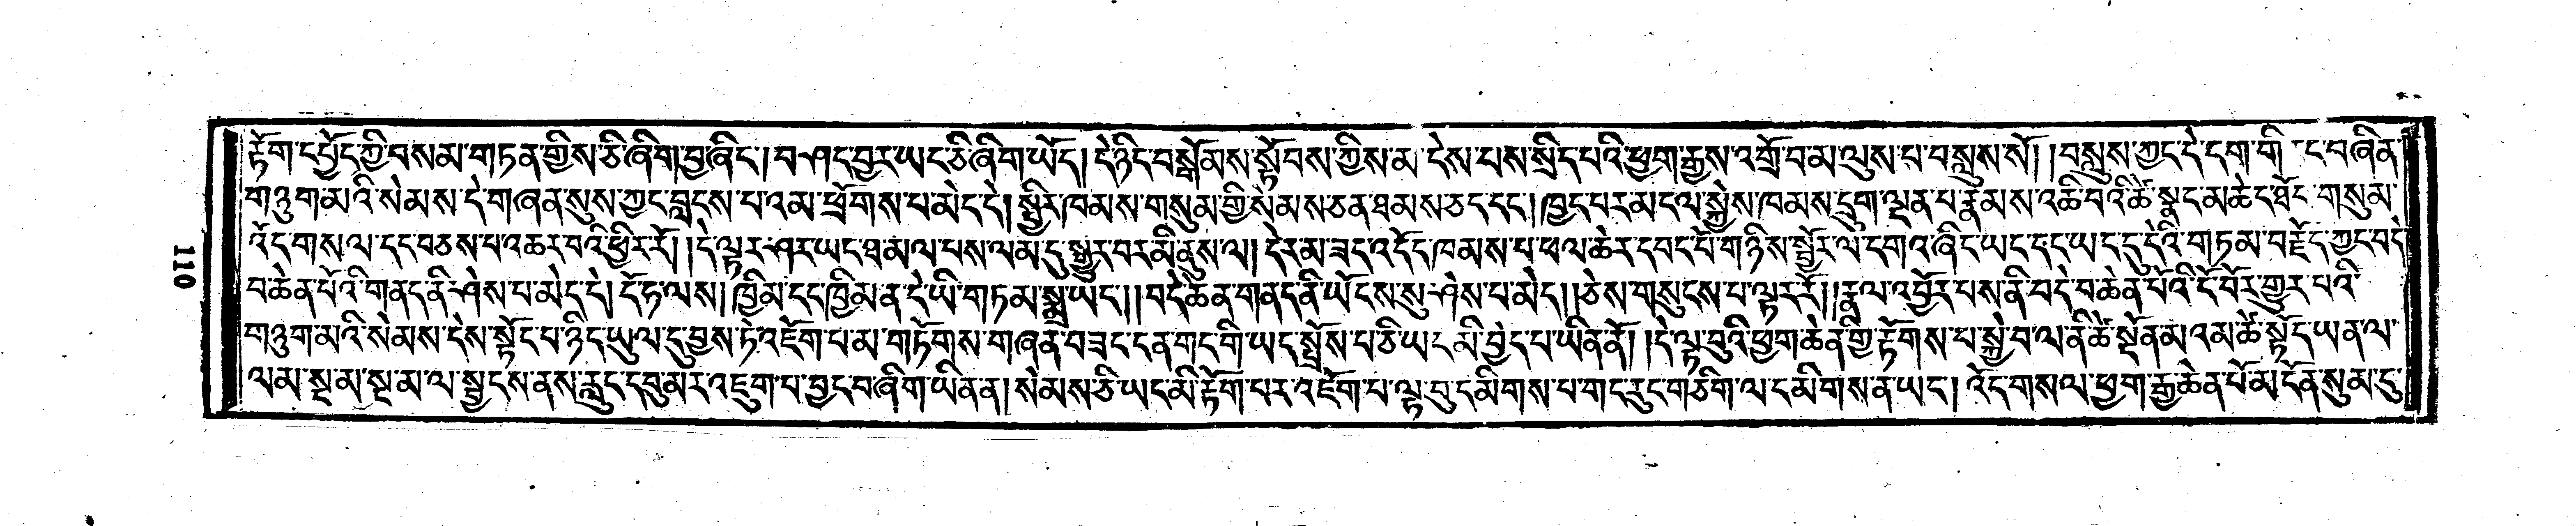རྟོག་དཔྱོད་ཀྱི་བསམ་གཏན་གྱིས་ཅི་ཞིག་བྱ་ཞིང་། བཤད་བྱར་ཡང་ཅི་ཞིག་ཡོད། དེ་ཉིད་བསྒོམས་སྟོབས་ཀྱིས་མ་ངེས་པས་སྲིད་པའི་ཕྱག་རྒྱས་འགྲོ་བ་མ་ལུས་པ་བསླུས་སོ། །བསླུས་ཀྱང་དེ་དག་གི་རང་བཞིན་
གཉུག་མའི་སེམས་དེ་གཞན་སུས་ཀྱང་བླངས་པའམ་ཕྲོགས་པ་མེད་དེ། སྤྱིར་ཁམས་གསུམ་གྱི་སེམས་ཅན་ཐམས་ཅད་དང་། ཁྱད་པར་མངལ་སྐྱེས་ཁམས་དྲུག་ལྡན་པ་རྣམས་འཆི་བའི་ཚེ་སྣང་མཆེད་ཐོབ་གསུམ་
འོད་གསལ་དང་བཅས་པ་འཆར་བའི་ཕྱིར་རོ། །དེ་ལྟར་ཤར་ཡང་ཐ་མལ་པས་ལམ་དུ་སྒྱུར་བར་མི་ནུས་ལ། དེར་མ་ཟད་འདོད་ཁམས་པ་ཕལ་ཆེར་དབང་པོ་གཉིས་སྦྱོར་ལ་དགའ་ཞིང་ཡང་དང་ཡང་དུ་དེའི་གཏམ་བརྗོད་ཀྱང་བདེ་
བ་ཆེན་པོའི་གནད་ནི་ཤེས་པ་མེད་དེ། དོ་ཧ་ལས། ཁྱིམ་དང་ཁྱིམ་ན་དེ་ཡི་གཏམ་སྨྲ་ཡང་། །བདེ་ཆེན་གནད་ནི་ཡོངས་སུ་ཤེས་པ་མེད། །ཅེས་གསུངས་པ་ལྟར་རོ། །རྣལ་འབྱོར་པས་ནི་བདེ་བ་ཆེན་པོའི་ངོ་བོར་གྱུར་པའི་
གཉུག་མའི་སེམས་དེས་སྟོང་པ་ཉིད་ཡུལ་དུ་བྱས་ཏེ་འཇོག་པ་མ་གཏོགས་གཞན་བཟང་ངན་གང་གི་ཡང་སྤྲོས་པ་ཅི་ཡང་མི་བྱེད་པ་ཡིན་ནོ། །དེ་ལྟ་བུའི་ཕྱག་ཆེན་གྱི་རྟོགས་པ་སྐྱེ་བ་ལ་ནི་ཚེ་སྔོན་མའམ་ཚེ་སྟོད་ཡན་ལ་
ལམ་སྔ་མ་སྔ་མ་ལ་སྦྱངས་ནས་རླུང་དབུ་མར་འཇུག་པ་བྱང་བ་ཞིག་ཡིན་ན། སེམས་ཅི་ཡང་མི་རྟོག་པར་འཇོག་པ་ལྟ་བུ་དམིགས་པ་གང་རུང་གཅིག་ལ་དམིགས་ན་ཡང་། འོད་གསལ་ཕྱག་རྒྱ་ཆེན་པོ་མངོན་སུམ་དུ་